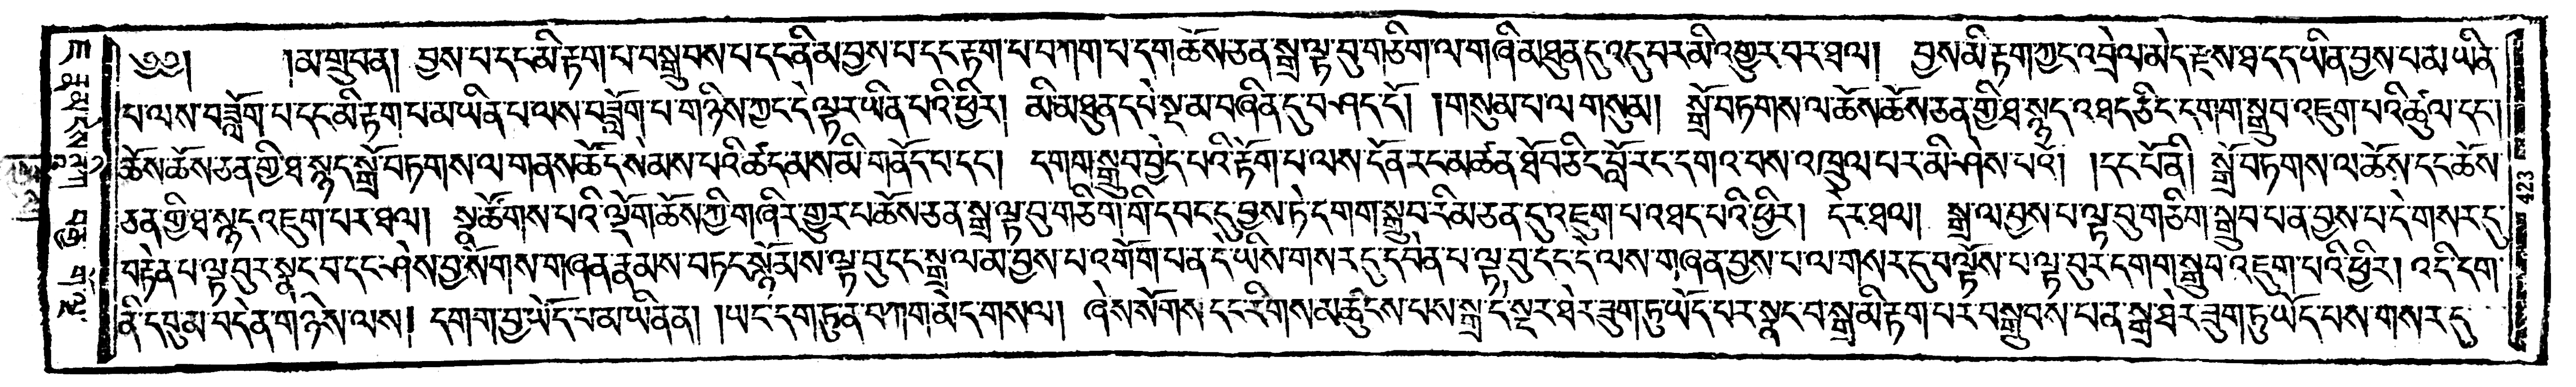༄༅། །མ་གྲུབ་ན། བྱས་པ་དང་མི་རྟག་པ་བསྒྲུབས་པ་དང་ནི་མ་བྱས་པ་དང་རྟག་པ་བཀག་པ་དག་ཆོས་ཅན་སྒྲ་ལྟ་བུ་གཅིག་ལ་གཞི་མཐུན་དུ་འདུ་བར་མི་འགྱུར་བར་ཐལ། བྱས་མི་རྟག་ཀྱང་འབྲེལ་མེད་རྫས་ཐ་དད་ཡིན་བྱས་པ་མ་ཡིན་
པ་ལས་བཟློག་པ་དང་མི་རྟག་པ་མ་ཡིན་པ་ལས་བཟློག་པ་གཉིས་ཀྱང་དེ་ལྟར་ཡིན་པའི་ཕྱིར། མི་མཐུན་དཔེ་སྔ་མ་བཞིན་དུ་བཤད་དོ། །གསུམ་པ་ལ་གསུམ། སྒྲོ་བཏགས་ལ་ཆོས་ཆོས་ཅན་གྱི་ཐ་སྙད་འཐད་ཅིང་དགག་སྒྲུབ་འཇུག་པའི་ཚུལ་དང་།
ཆོས་ཆོས་ཅན་གྱི་ཐ་སྙད་སྒྲོ་བཏགས་ལ་གནས་ཚོད་སེམས་པའི་ཚད་མས་མི་གནོད་པ་དང་། དགག་སྒྲུབ་བྱེད་པའི་རྟོག་པ་ལས་དོན་རང་མཚན་ཐོབ་ཅིང་བློ་རང་དགའ་བས་འཁྲུལ་པར་མི་ཤེས་པའོ། །དང་པོ་ནི། སྒྲོ་བཏགས་ལ་ཆོས་དང་ཆོས་
ཅན་གྱི་ཐ་སྙད་འཇུག་པར་ཐལ། སྣ་ཚོགས་པའི་ལྡོག་ཆོས་ཀྱི་གཞིར་གྱུར་པ་ཆོས་ཅན་སྒྲ་ལྟ་བུ་གཅིག་གི་དབང་དུ་བྱས་ཏེ་དགག་སྒྲུབ་རིམ་ཅན་དུ་འཇུག་པ་འཐད་པའི་ཕྱིར། དེར་ཐལ། སྒྲ་ལ་བྱས་པ་ལྟ་བུ་གཅིག་སྒྲུབ་པ་ན་བྱས་པ་དེ་གསར་དུ་
བརྟེན་པ་ལྟ་བུར་སྣང་བ་དང་ཤེས་བྱ་སོགས་གཞན་རྣམས་བཏང་སྙོམས་ལྟ་བུ་དང་སྒྲ་ལ་མ་བྱས་པ་འགོག་པ་ན་དེ་ཡིས་གསར་དུ་དབེན་པ་ལྟ་བུ་དང་དེ་ལས་གཞན་བྱས་པ་ལ་གསར་དུ་བལྟོས་པ་ལྟ་བུར་དགག་སྒྲུབ་འཇུག་པའི་ཕྱིར། འདི་དག་
ནི་དབུ་མ་བདེན་གཉིས་ལས། དགག་བྱ་ཡོད་པ་མ་ཡིན་ན། །ཡང་དག་ཏུ་ན་བཀག་མེད་གསལ། ཞེས་སོགས་དང་རིགས་མཚུངས་པས་སྒྲ་དེ་སྔར་ཐེར་ཟུག་ཏུ་ཡོད་པར་སྣང་བ་སྒྲ་མི་རྟག་པར་བསྒྲུབས་པ་ན་སྒྲ་ཐེར་ཟུག་ཏུ་ཡོད་པས་གསར་དུ་